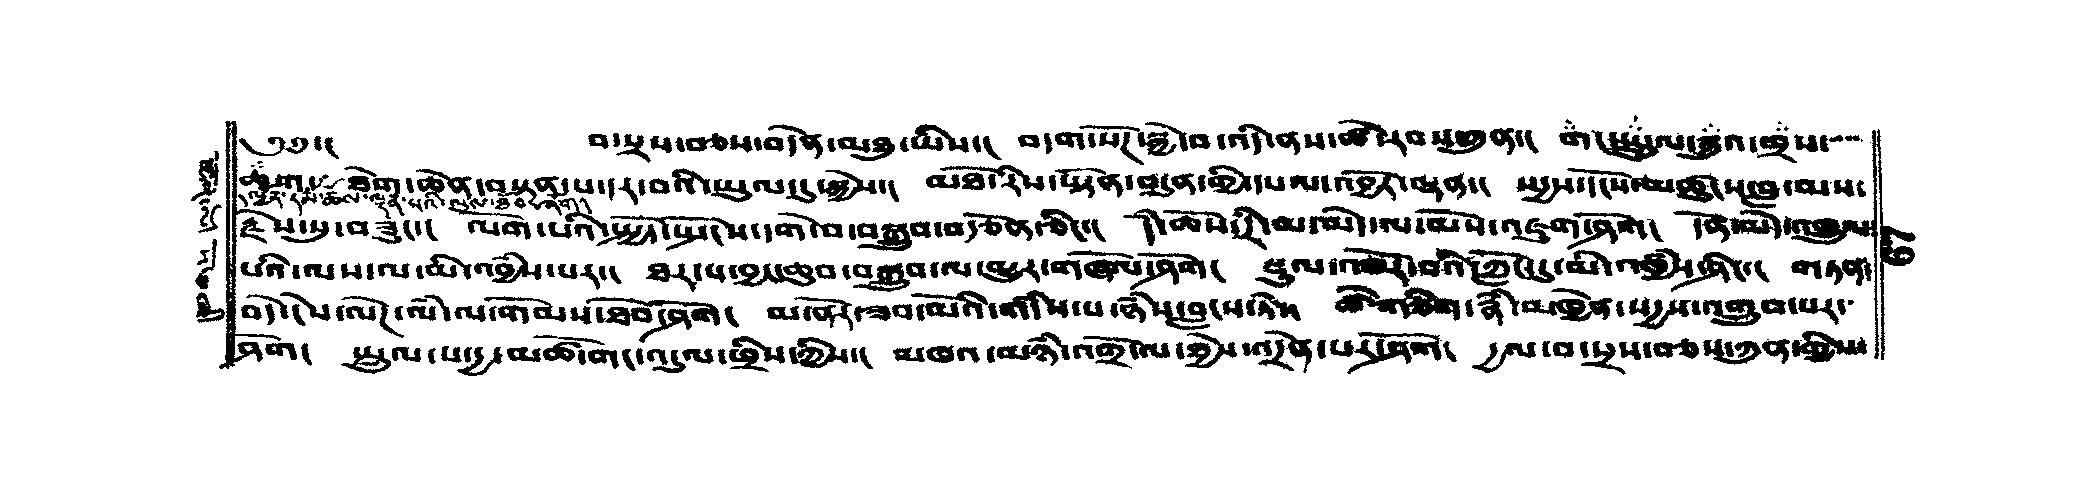བ་སྲས་བཅས་བདེན་མཐུ་ཡིས། །བདག་སོགས་སྐྱེ་བ་འདི་ནས་ཚེ་རབས་ཀུན། །དལ་འབྱོར་དམ་ཆོས་ལྡན་པའི་ལུས་ཐོབ་ཤོག །
ཐེག་ཆེན་བསྟན་པ་དར་བའི་ཡུལ་དུ་སྐྱེས། །མཐོ་རིས་ཡོན་ཏན་བདུན་གྱི་དཔལ་འབྱོར་ལྡན། །སངས་རྒྱས་དངོས་མཚུངས་བླ་མས་
རྗེས་སུ་བཟུང་། །ལོག་པའི་སྤྱོད་སྤོང་དགེ་བ་བསྒྲུབ་བརྩོན་ཅིང་། །དམ་ཆོས་དྲི་མ་མེད་ལ་མོས་འཇུག་ཤོག །དོན་མེད་འཁྲུལ་
པའི་ལས་ལ་མི་འབྱམས་པར། །ཐར་པ་བྱང་ཆུབ་བསྒྲུབ་ལ་མྱུར་གཞོལ་ཤོག །སྡུག་བསྔལ་འཁོར་བའི་ཀློང་དུ་མི་འཁྱམས་ཤིང་། །གཏན་
བདེ་ངེས་ལེགས་ལམ་ལ་གོམས་ཐོབ་ཤོག །མ་ནོར་ཟབ་མོའི་གདམས་པ་ཉམས་བླངས་ཏེ། །ཚེ་གཅིག་རྣམ་མཁྱེན་སངས་རྒྱས་འགྲུབ་པར་
ཤོག།སྤྲུལ་པ་རྒྱ་མཚོ་གང་འདུལ་ཕྲིན་ལས་ཀྱིས། མཁའ་མཉམ་འགྲོ་བ་ཐུགས་རྗེས་འདྲེན་པར་ཤོག །རྒྱལ་བ་སྲས་བཅས་ཀུན་གྱིས་